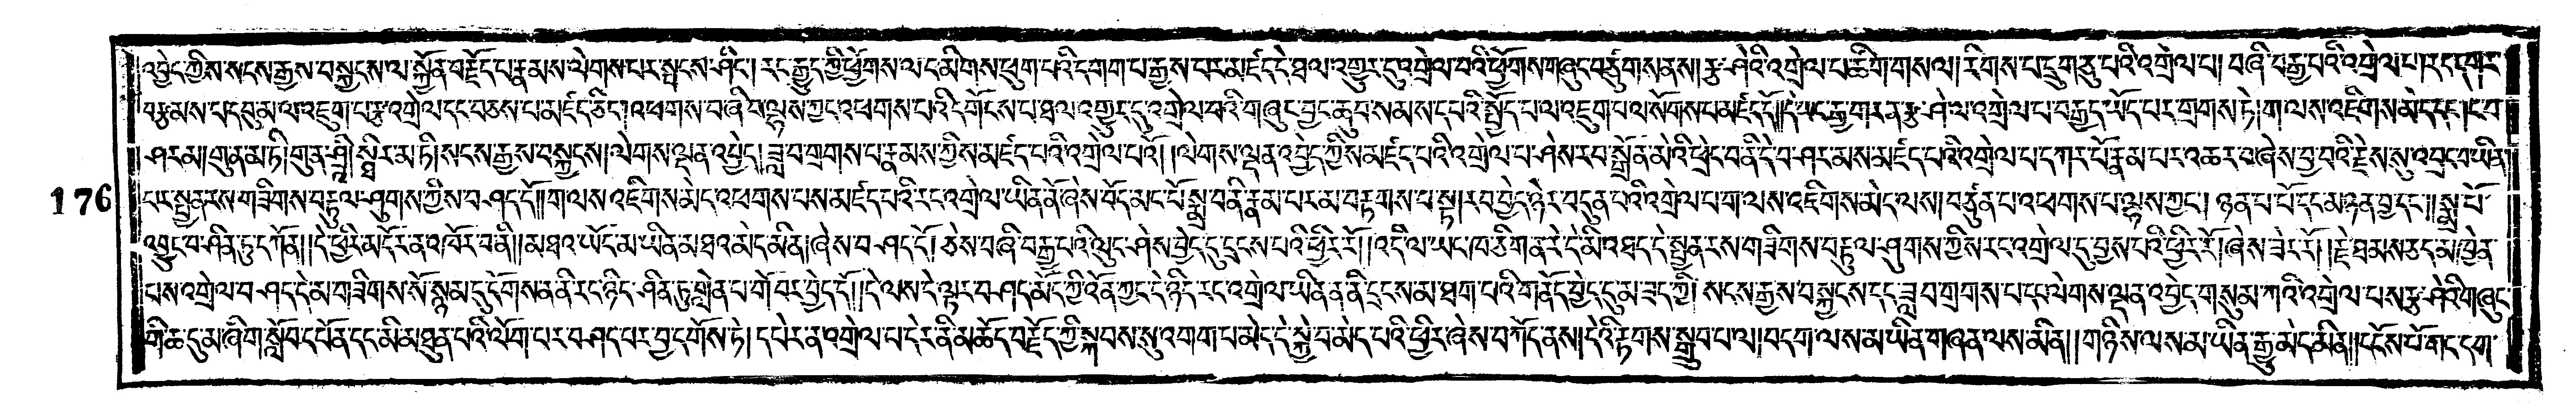འབྱེད་ཀྱིས་སངས་རྒྱས་བསྐྱངས་ལ་སྐྱོན་བརྗོད་པ་རྣམས་ལེགས་པར་སྤངས་ཤིང་། རང་རྒྱུད་ཀྱི་ཕྱོགས་ལ་དམིགས་ཕུག་པའི་དགག་པ་རྒྱས་པར་མཛད་དེ་ཐལ་འགྱུར་དུ་འགྲེལ་བའི་ཕྱོགས་གཞུང་བཙུགས་ནས། རྩ་ཤེའི་འགྲེལ་པ་ཚིག་གསལ། རིགས་པ་དྲུག་ཅུ་པའི་འགྲེལ་པ། བཞི་བརྒྱ་པའི་འགྲེལ་པ། རང་དགར་
བརྩམས་པ་དབུ་མ་ལ་འཇུག་པ་རྩ་འགྲེལ་དང་བཅས་པ་མཛད་ཅིང་། འཕགས་བ་ཞི་བ་ལྷས་ཀྱང་འཕགས་པའི་དགོངས་པ་ཐལ་འགྱུར་དུ་འགྲེལ་བའི་གཞུང་བྱང་ཆུབ་སམས་དཔའི་སྤྱོད་པ་ལ་འཇུག་པ་ལ་སོགས་པ་མཛད་དོ། །དེ་ཡང་རྒྱ་གར་ན་རྩ་ཤེ་ལ་འགྲེལ་པ་བརྒྱད་ཡོད་པར་གྲགས་ཏེ། ག་ལས་འཇིགས་མེད་དང་། ང་བ་
ཤར་མ༑ གུ་ན་མ་ཏི། གུ་ན་ཤྲཱི། སྠིར་མ་ཏི། སངས་རྒྱས་བསྐྱངས། ལེགས་ལྡན་འབྱེད། ཟླ་བ་གྲགས་པ་རྣམས་ཀྱིས་མཛད་པའི་འགྲེལ་པའོ། །ལེགས་ལྡན་འབྱེད་ཀྱིས་མཛད་པའི་འགྲེལ་པ་ཤེས་རབ་སྒྲོན་མེའི་ཕྲེང་བ་ནི་དེ་བ་ཤར་མས་མཛད་པའི་འགྲེལ་པ་དཀར་པོ་རྣམ་པར་འཆར་བ་ཞེས་བྱ་བའི་རྗེས་སུ་འབྲང་བ་ཡིན་
པར་སྤྱན་རས་གཟིགས་བརྟུལ་ཤུགས་ཀྱིས་བཤད་དོ། །ག་ལས་འཇིགས་མེད་འཕགས་པས་མཛད་པའི་རང་འགྲེལ་ཡིན་ནོ་ཞེས་བོད་མང་པོ་སྨྲ་བ་ནི་རྣམ་པར་མ་བརྟགས་པ་སྟེ། རབ་བྱེད་ཉེར་བདུན་པའི་འགྲེལ་པ་ག་ལས་འཇིགས་མེད་ལས། བཙུན་པ་འཕགས་པ་ལྷས་ཀྱང་། ཉན་པ་པོ་དང་མཉན་བྱ་དང་། །སྨྲ་པོ་
འབྱུང་བ་ཤིན་ཏུ་དཀོན། །དེ་ཕྱིར་མདོར་ན་འཁོར་བ་ནི། །མཐའ་ཡོད་མ་ཡིན་མཐའ་མེད་མིན། ཞེས་བཤད་དོ། ཅེས་བཞི་བརྒྱ་པའི་ལུང་ཤེས་བྱེད་དུ་དྲངས་པའི་ཕྱིར་རོ། །འདི་ལ་ཡང་ཁ་ཅིག་ན་རེ་དེ་མི་འཐད་དེ་སྤྱན་རས་གཟིགས་བརྟུལ་ཤུགས་ཀྱིས་རང་འགྲེལ་དུ་བྱས་པའི་ཕྱིར་རོ། ཞེས་ཟེར་རོ། །རྗེ་ཐམས་ཅད་མཁྱེན་
པས་འགྲེལ་བཤད་དེ་མ་གཟིགས་སོ་སྙམ་དུ་དོགས་ན་ནི་རང་ཉིད་ཤིན་ཏུ་གླེན་པ་གོ་བར་བྱེད་དོ། །དེ་ལས་དེ་ལྟར་བཤད་མོད་ཀྱི་འོན་ཀྱང་དེ་ཉིད་རང་འགྲེལ་ཡིན་ན་ནི་དྲངས་མ་ཐག་པའི་གནོད་བྱེད་དུ་མ་ཟད་ཀྱི། སངས་རྒྱས་བསྐྱངས་དང་ཟླ་བ་གྲགས་པ་དང་ལེགས་ལྡན་འབྱེད་གསུམ་ཀའི་འགྲེལ་པས་རྩ་ཤེའི་གཞུང་
གི་ཆ་དུ་མ་ཞིག་སློབ་དཔོན་དང་མི་མཐུན་པའི་ལོག་པར་བཤད་པར་བྱ་དགོས་ཏེ། དཔེར་ན་འགྲེལ་པ་དེར་ནི་མཆོད་བརྗོད་ཀྱི་སྐབས་སུ་འགག་པ་མེད་དེ་སྐྱེ་བ་མེད་པའི་ཕྱིར་ཞེས་བཀོད་ནས། དེའི་རྟགས་སྒྲུབ་པ་ལ། བདག་ལས་མ་ཡིན་གཞན་ལས་མིན། །གཉིས་ལས་མ་ཡིན་རྒྱུ་མེད་མིན། །དངོས་པོ་གང་དག་